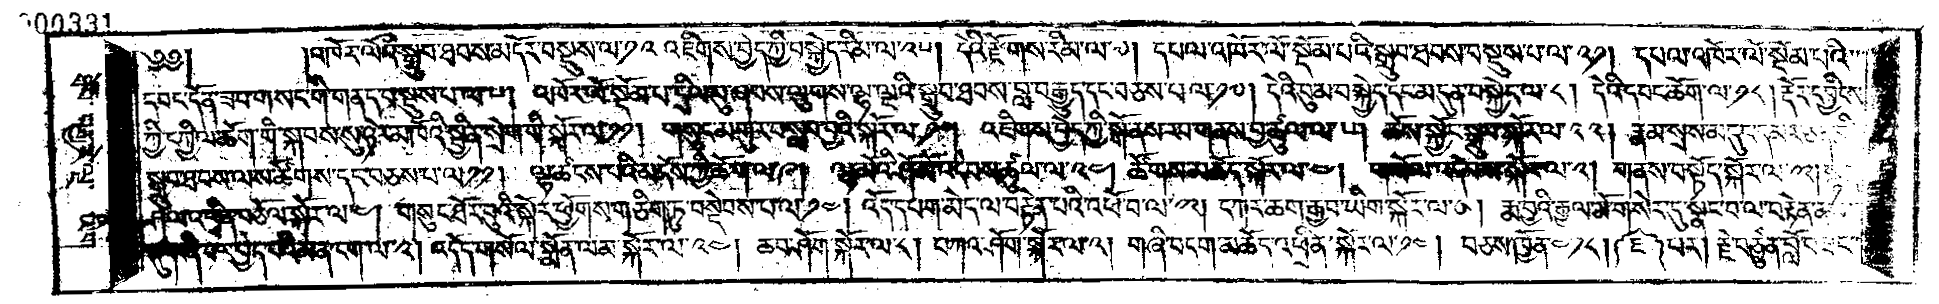༄༅། །འཁོར་ལོའི་སྒྲུབ་ཐབས་མདོར་བསྡུས་ལ ༡༢་འཇིགས་བྱེད་ཀྱི་བསྐྱེད་རིམ་ལ ༢༥། དེའི་རྫོགས་རིམ་ལ ༧། དཔལ་འཁོར་ལོ་སྡོམ་པའི་སྒྲུབ་ཐབས་བསྡུས་པ་ལ ༢༡། དཔལ་འཁོར་ལོ་སྡོམ་པའི་དབང་པའི་སྒྲུབ་ཐབས་བསྡུས་པ་ལ ༢༡། དཔལ་འཁོར་ལོ་སྡོམ་པའི་
ཞབས་ལུགས་ལྷ་ལྔའི་སྒྲུབ་ཐབས་བླ་བརྒྱུད་དང་བཅས་པ་ལ ༡༧། དེའི་བུམ་བསྐྱེད་དང་མདུན་བསྐྱེད་ལ ༨། དེའི་དབང་ཆོག་ལ ༡༨། རྡོར་དབྱིངས་
ཀྱི་དཀྱིལ་ཆོག་གི་སྐབས་སུ་ཉེར་མཁོའི་སྦྱིན་སྲེག་གི་སྐོར་ལ ༡༡། གསུང་མགུར་བསླབ་བྱའི་སྐོར་ལ ༡༠། འཇིགས་བྱེད་ཀྱི་སྒོ་ནས་རབ་གནས་བྱ་ཚུལ་ལ ༥། ཆོས་སྐྱོང་སྒྲུབ་སྐོར་ལ ༢༢། རྣམ་སྲས་མདུང་དམར་ཅན་གྱི་
སྒྲུབ་ཐབས་ལས་ཚོགས་དང་བཅས་པ་ལ ༡༡། ལྷ་ཚངས་པའི་མདོས་ཀྱི་ཆོ་ག་ལ ༩། ལྷ་མོའི་ཤོ་མོ་འདེབས་ཚུལ་ལ ༢༤། ཚོགས་མཆོད་སྐོར་ལ ༤། གསོལ་འདེབས་སྐོར་ལ ༢། གནས་བསྟོད་སྐོར་ལ ༡༢། སྙན་
ཤལ་འཕྲིན་བཅོལ་སྐོར་ལ ༤། གསུང་ཐོར་བུའི་སྐོར་ཕྱོགས་གཅིག་ཏུ་བསྡེབས་པ་ལ ༡༤། འོད་དཔག་མེད་ལ་བརྟེན་པའི་འཕོ་བ་ལ ༡༢། དཀར་ཆག་རྒྱབ་ཡིག་སྐོར་ལ ༦། རྨ་བྱའི་རྒྱལ་མོ་གསེར་དུ་སྣང་བ་ལ་བརྟེན་ནས་
དུག་ཞི་བར་བྱེད་པའི་མན་ངག་ལ ༢། འདོད་གསོལ་སྨོན་ལམ་སྐོར་ལ ༢༤། ཆབ་ཤོག་སྐོར་ལ ༨། བཀའ་ཤོག་སྐོར་ལ ༢། གཞི་བདག་མཆོད་འཕྲིན་སྐོར་ལ ༡༤། བཅས་ཁྱོན ༤༡༨། ༼ཇ༽ པར། རྗེ་བཙུན་བློ་བཟང་